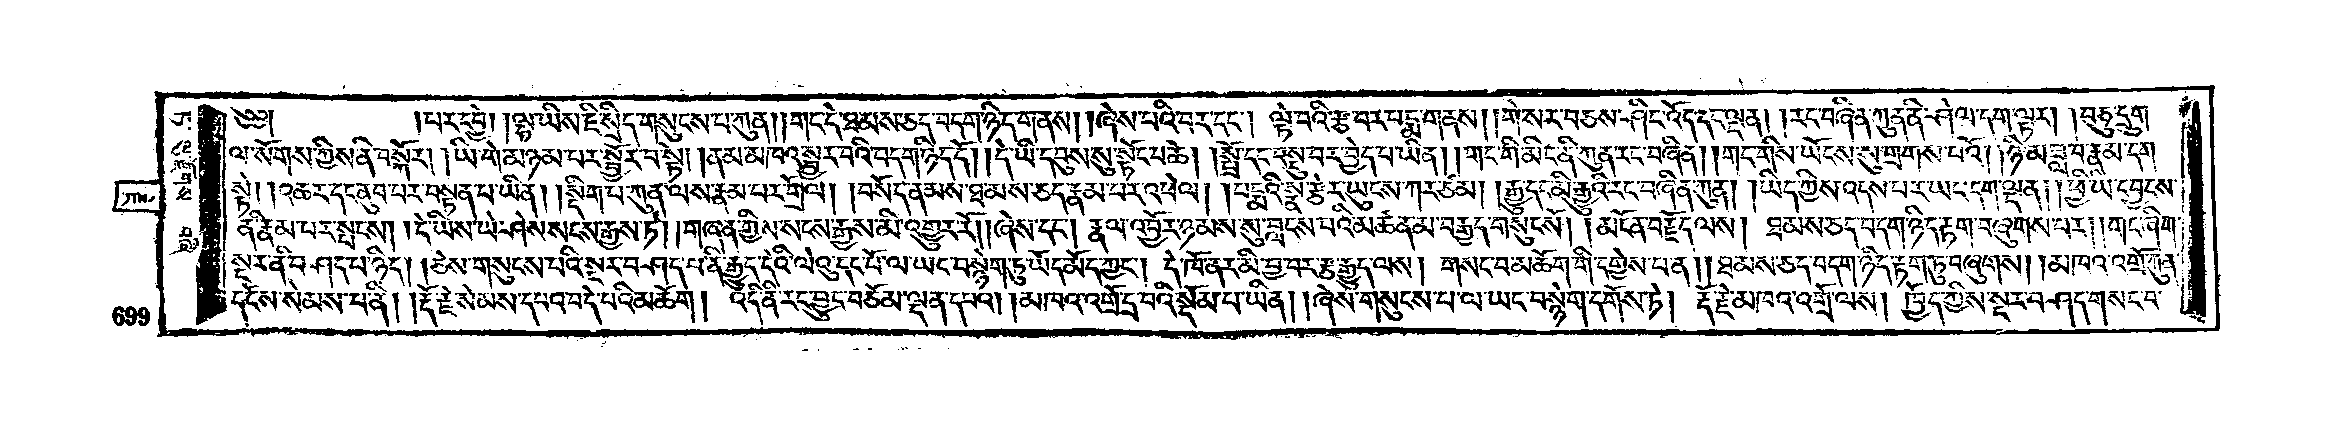༄༅། །པར་དབྱེ། །ལྷ་ཡིས་ཇི་སྲིད་གསུངས་པ་ཀུན། །གང་དེ་ཐམས་ཅད་བདག་ཉིད་གནས། །ཞེས་པའི་བར་དང་། ལྟེ་བའི་རྩ་བར་པདམ་གནས། །གེ་སར་བཅས་ཤིང་འོད་དང་ལྡན། །རང་བཞིན་ཀུན་ནི་ཤེལ་དག་ལྟར། །བཅུ་དྲུག་
ལ་སོགས་ཀྱིས་ནི་བསྐོར། །ཡི་གེ་མཉམ་པར་སྦྱོར་བ་སྟེ། །ནམ་མཁའ་སྦྱར་བའི་བདག་ཉིད་དོ། །དེ་ཡི་དབུས་སུ་སྟོང་པ་ཆེ། །སྤྲོ་དང་བསྡུ་བར་བྱེད་པ་ཡིན། །གང་གི་མིང་ནི་ཀུན་རང་བཞིན། །གང་གིས་ཡོངས་སུ་གྲགས་པའོ། །ཉི་མ་ཟླ་བ་རྣམ་དག་
སྟེ། །འཆར་དང་ནུབ་པར་བསྟན་པ་ཡིན། །སྡིག་པ་ཀུན་ལས་རྣམ་པར་གྲོལ། །བསོད་ནམས་ཐམས་ཅད་རྣམ་པར་འཕེལ། །པདམའི་སྣ་རྩེར་ཡུངས་ཀར་ཙམ། །རྒྱུ་དང་མི་རྒྱུའི་རང་བཞིན་ཀུན། །ཡིད་ཀྱིས་འདས་པར་ཡང་དག་ལྡན། །ཕྱི་ཡི་དབྱངས་
ནི་རྣམ་པར་སྤངས། །དེ་ཡིས་ཡེ་ཤེས་སངས་རྒྱས་ཏེ། །གཞན་གྱིས་སངས་རྒྱས་མི་འགྱུར་རོ། །ཞེས་དང་། རྣལ་འབྱོར་ཉམས་སུ་བླངས་པའི་མཚན་མ་བརྒྱད་གསུངས་སོ། །མངོན་བརྗོད་ལས། ཐམས་ཅད་བདག་ཉིད་རྟག་བཞུགས་པར། །གང་ཞིག་
སྔར་ནི་བཤད་པ་ཉིད། །ཅེས་གསུངས་པའི་སྔར་བཤད་པ་ནི་རྒྱུད་དེའི་ལེའུ་དང་པོ་ལ་ཡང་བསྙེག་ཏུ་ཡོད་མོད་ཀྱང་། དེ་ཁོ་ནར་མི་བྱ་བར་རྩ་རྒྱུད་ལས། གསང་བ་མཆོག་གི་དགྱེས་པ་ན། །ཐམས་ཅད་བདག་ཉིད་རྟག་ཏུ་བཞུགས། །མཁའ་འགྲོ་ཀུན་དངོས་སེམས་པ་ནི། །རྡོ་རྗེ་སེམས་དཔའ་བདེ་བའི་མཆོག །འདི་ནི་རང་བྱུང་བཅོམ་ལྡན་དཔའ། །མཁའ་འགྲོ་དྲ་བའི་སྡོམ་པ་ཡིན། །ཞེས་གསུངས་པ་ལ་ཡང་བསྙེག་དགོས་ཏེ། རྡོ་རྗེ་མཁའ་འགྲོ་ལས། །ཁྱོད་ཀྱིས་སྔར་བཤད་གསང་བ་